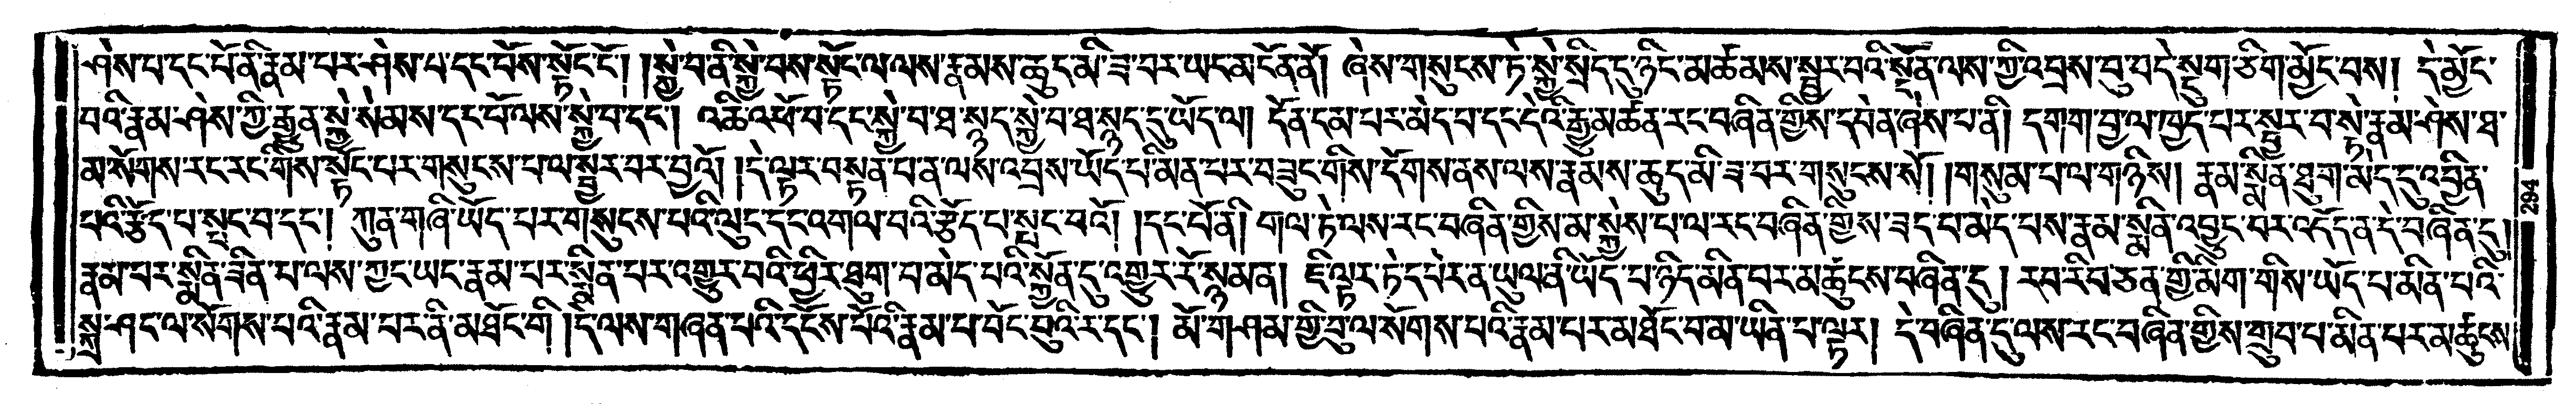ཤེས་པ་དང་པོ་ནི་རྣམ་པར་ཤེས་པ་དང་པོས་སྟོང་ངོ། །སྐྱེ་བ་ནི་སྐྱེ་བས་སྟོང་ལ་ལས་རྣམས་ཆུད་མི་ཟ་བར་ཡང་མངོན་ནོ། ཞེས་གསུངས་ཏེ་སྐྱེ་སྲིད་དུ་ཉིང་མཚམས་སྦྱར་བའི་སྔོན་ལས་ཀྱི་འབྲས་བུ་བདེ་སྡུག་ཅིག་མྱོང་བས། དེ་མྱོང་
བའི་རྣམ་ཤེས་ཀྱི་རྒྱུན་སྐྱེ་སེམས་དང་པོ་ལས་སྐྱེ་བ་དང་། འཆི་འཕོ་བ་དང་སྐྱེ་བ་ཐ་སྙད་དུ་ཡོད་ལ། དོན་དམ་པར་མེད་པ་དང་དེའི་རྒྱུ་མཚན་རང་བཞིན་གྱིས་དབེན་ཞེས་པ་ནི། དགག་བྱ་ལ་ཁྱད་པར་སྦྱར་བ་སྟེ་རྣམ་ཤེས་ཐ་
མ་སོགས་རང་རང་གིས་སྟོང་པར་གསུངས་པ་ལ་སྦྱར་བར་བྱའོ། །དེ་ལྟར་བསྟན་པ་ན་ལས་འབྲས་ཡོད་པ་མིན་པར་བཟུང་གིས་དོགས་ནས་ལས་རྣམས་ཆུད་མི་ཟ་བར་གསུངས་སོ། །གསུམ་པ་ལ་གཉིས། རྣམ་སྨིན་ཐུག་མེད་དུ་འབྱིན་
པའི་རྩོད་པ་སྤང་བ་དང་། ཀུན་གཞི་ཡོད་པར་གསུངས་པའི་ལུང་དང་འགལ་བའི་རྩོད་པ་སྤང་བའོ། །དང་པོ་ནི། གལ་ཏེ་ལས་རང་བཞིན་གྱིས་མ་སྐྱེས་པ་ལ་རང་བཞིན་གྱིས་ཟད་པ་མེད་པས་རྣམ་སྨིན་འབྱུང་བར་འདོད་ན་དེ་བཞིན་དུ་
རྣམ་པར་སྨིན་ཟིན་པ་ལས་ཀྱང་ཡང་རྣམ་པར་སྨིན་པར་འགྱུར་བའི་ཕྱིར་ཐུག་པ་མེད་པའི་སྐྱོན་དུ་འགྱུར་རོ་སྙམ་ན། ཇི་ལྟར་ཏེ་དཔེར་ན་ཡུལ་ནི་ཡོད་པ་ཉིད་མིན་པར་མཚུངས་བཞིན་དུ། རབ་རིབ་ཅན་གྱི་མིག་གིས་ཡོད་པ་མིན་པའི་
སྐྲ་ཤད་ལ་སོགས་པའི་རྣམ་པར་ནི་མཐོང་གི །དེ་ལས་གཞན་པའི་དངོས་པོའི་རྣམ་པ་བོང་བུའི་རྭ་དང་། མོ་གཤམ་གྱི་བུ་ལ་སོགས་པའི་རྣམ་པར་མཐོང་བ་མ་ཡིན་པ་ལྟར། དེ་བཞིན་དུ་ལས་རང་བཞིན་གྱིས་གྲུབ་པ་མིན་པར་མཚུངས་